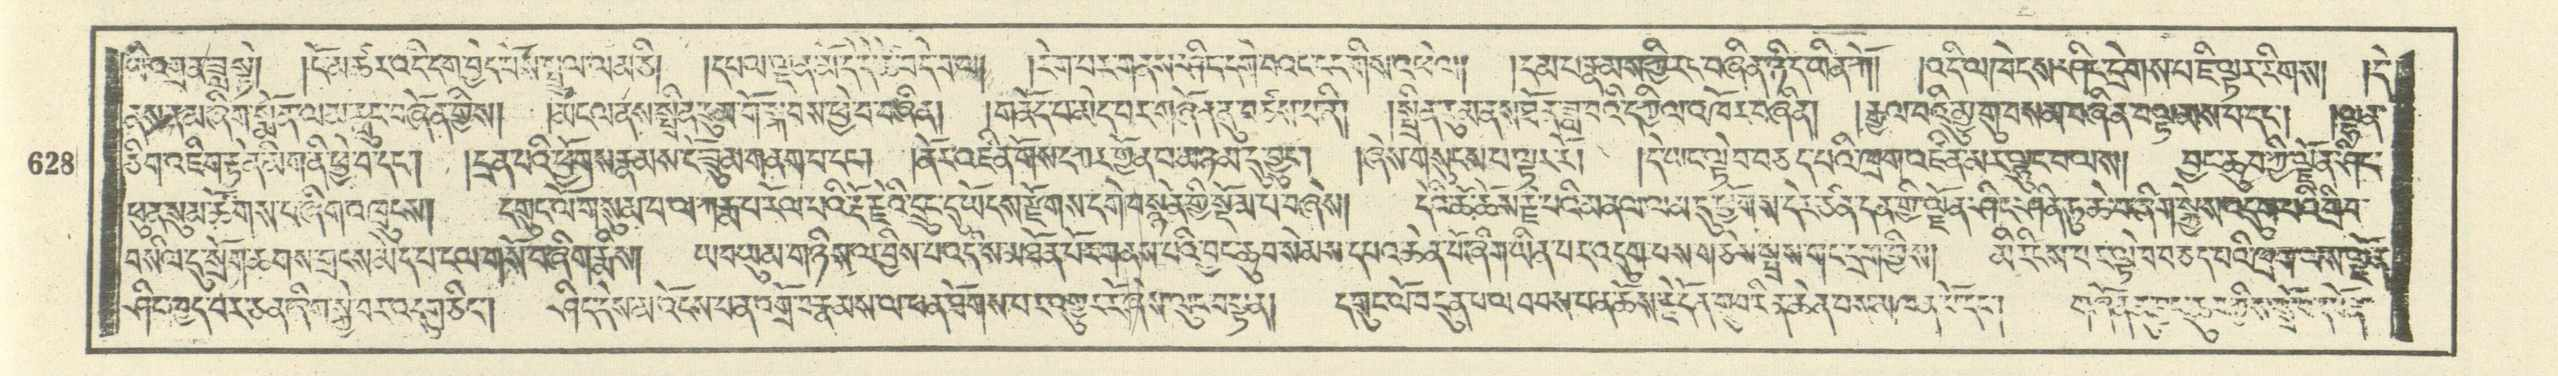ཡི་འགྲན་ཟླ་སྟེ། །ངོ་མཚར་འདི་དག་བྱེད་པོས་སྤྲུལ་ལམ་ཅི། །དཔལ་ལྡན་མོ་དེ་དེ་ཚ་བདེ་བ་ལ། །རེག་པར་གནས་ཤིང་དགེ་བའང་ངང་གིས་འཕེལ། །དམ་པ་རྣམས་ཀྱི་རང་བཞིན་ཉིད་ཡིན་ཀོ། །འདི་ལ་ཁེངས་ཤིང་དྲེགས་པ་ཇི་ལྟར་རིགས། །དེ་
ནས་ནམ་ཞིག་སྨོན་ལམ་རླུང་བཞོན་གྱིས། །མངལ་ནས་སྤྲིན་རུམ་གོ་སྐབས་ཕྱེ་བ་བཞིན། །གནོད་པ་མེད་པར་གཞོན་ནུ་བཙས་པ་ནི། །སྤྲིན་རུམ་ནས་ཐོན་ཟླ་བའི་དཀྱིལ་འཁོར་བཞིན། །རྒྱལ་བའི་མྱུ་གུ་བསམ་བཞིན་བལྟམས་པ་དང་། །ལྷན་
ཅིག་འཇིག་རྟེན་མིག་ནི་ཕྱེ་བ་དང་། །དྲན་པའི་ཕྱོགས་རྣམས་ངོ་ཟུམ་གནག་པ་དང་། །ནོར་འཛིན་གོས་དཀར་གྱོན་པ་མཉམ་དུ་བྱུང་། །ཞེས་གསུངས་པ་ལྟར་རོ། །དེ་ཡང་ལྟེ་བ་བཅད་པའི་ཁྲག་འཛིན་མར་ལྷུང་བ་ལས། བྱང་ཆུབ་ཀྱི་ལྗོན་ཤིང་
ཕུན་སུམ་ཚོགས་བ་ཞིག་འཁྲུངས། དགུང་ལོ་གསུམ་པ་ལ་ཀརྨ་པ་རོལ་པའི་རྡོ་རྗེའི་དྲུང་དུ་ཡོངས་རྫོགས་དགེ་བསྙེན་གྱི་སྡོམ་པ་བཞེས། དེའི་ཚེ་ཆོས་རྗེ་པའི་མནལ་ལམ་དུ་ཕྱོགས་དེར་ཙན་དན་གྱི་ལྗོན་ཤིང་ཤིན་ཏུ་ཆེ་བ་ཞིག་སྐྱེས་འདུག་པའི་གྲིབ་
བསིལ་དུ་སྲོག་ཆགས་གྲངས་མེད་པ་ངལ་གསོ་བ་ཞིག་རྨིས། ཡབ་ཡུམ་གཉིས་ལ་བྱིས་པ་འདི་ས་མཐོན་པོར་གནས་པའི་བྱང་ཆུབ་སེམས་དཔའ་ཆེན་པོ་ཞིག་ཡིན་པར་འདུག་པས་གཅེས་སྤྲས་གང་དྲག་གྱིས། མི་རིངས་པར་ལྟེ་བ་བཅད་པའི་ཁྲག་ལས་ལྗོན་
ཤིང་ཁྱད་པར་ཅན་ཞིག་སྐྱེ་བར་འདུག་ཅིང་། ཤིང་དེས་མ་འོངས་པ་ན་འགྲོ་བ་རྣམས་ལ་ཕན་ཐོགས་པར་འགྱུར་རོ་ཞེས་ལུང་བསྟན། དགུང་ལོ་བདུན་པ་ལ་བབས་པ་ན་ཆོས་རྗེ་དོན་གྲུབ་རིན་ཆེན་བས་མཁན་པོ་དང་། གཞོན་ནུ་བྱང་ཆུབ་ཀྱིས་སློབ་དཔོན་